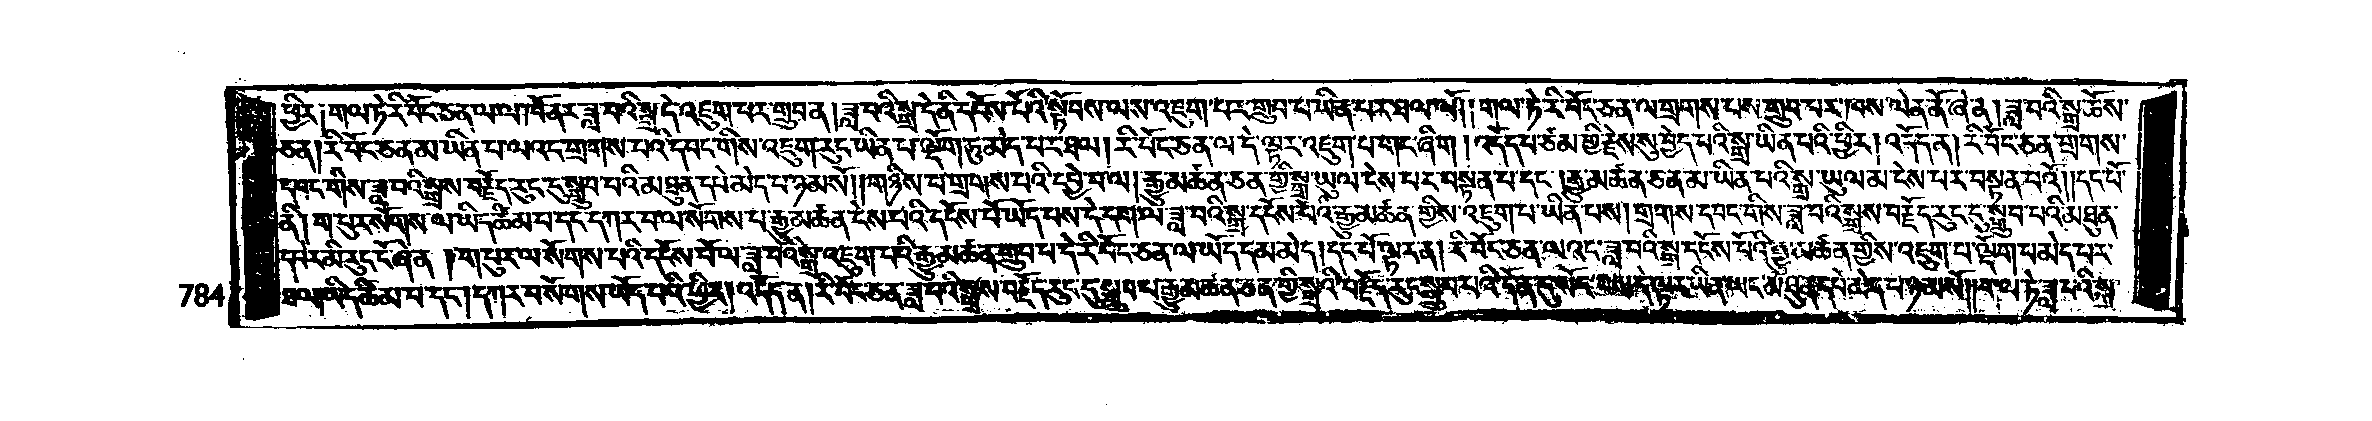ཕྱིར། གལ་ཏེ་རི་བོང་ཅན་ལ་ལ་ཁོ་ནར་ཟླ་བའི་སྒྲ་དེ་འཇུག་པར་གྲུབ་ན། ཟླ་བའི་སྒྲ་དེ་ནི་དངོས་པོའི་སྟོབས་ལས་འཇུག་པར་གྲུབ་པ་ཡིན་པར་ཐལ་ལོ། །གལ་ཏེ་རི་བོང་ཅན་ལ་གྲགས་པས་གྲུབ་པར་ཁས་ལེན་ནོ་ཞེ་ན། ཟླ་བའི་སྒྲ་ཆོས་
ཅན། རི་བོང་ཅན་མ་ཡིན་པ་ལའང་གྲགས་པའི་དབང་གིས་འཇུག་རུང་ཡིན་པ་ལྡོག་ཏུ་མེད་པར་ཐལ། རི་བོང་ཅན་ལ་དེ་ལྟར་འཇུག་པ་གང་ཞིག། འདོད་པ་ཙམ་གྱི་རྗེས་སུ་བྱེད་པའི་སྒྲ་ཡིན་པའི་ཕྱིར། འདོད་ན། རི་བོང་ཅན་གྲགས་
དབང་གིས་ཟླ་བའི་སྒྲས་བརྗོད་རུང་དུ་སྒྲུབ་པའི་མཐུན་དཔེ་མེད་པ་ཉམས་སོ། །གཉིས་པ་གྲགས་པའི་དབྱེ་བ་ལ། རྒྱུ་མཚན་ཅན་གྱི་སྒྲ་ཡུལ་ངེས་པར་བསྟན་པ་དང་། རྒྱུ་མཚན་ཅན་མ་ཡིན་པའི་སྒྲ་ཡུལ་མ་ངེས་པར་བསྟན་པའོ། །དང་པོ་
ནི། ག་པུར་སོགས་ལ་ཡིད་ཚིམ་པ་དང་དཀར་བ་ལ་སོགས་པ་རྒྱུ་མཚན་ངེས་པའི་དངོས་པོ་ཡོད་པས་དེ་དག་ལ་ཟླ་བའི་སྒྲ་དངོས་པོའི་རྒྱུ་མཚན་གྱིས་འཇུག་པ་ཡིན་པས། གྲགས་དབང་གིས་ཟླ་བའི་སྒྲས་བརྗོད་རུང་དུ་སྒྲུབ་པའི་མཐུན་
དཔེར་མི་རུང་ངོ་ཞེ་ན། ག་པུར་ལ་སོགས་པའི་དངོས་པོ་ལ་ཟླ་བའི་སྒྲ་འཇུག་པའི་རྒྱུ་མཚན་གྲུབ་པ་དེ་རི་བོང་ཅན་ལ་ཡོད་དམ་མེད། དང་པོ་ལྟར་ན། རི་བོང་ཅན་ལའང་ཟླ་བའི་སྒྲ་དངོས་པོའི་རྒྱུ་མཚན་གྱིས་འཇུག་པ་ལྡོག་པ་མེད་པར་
ཐལ། ཡིད་ཚིམ་པ་དང་། དཀར་བ་སོགས་ཡོད་པའི་ཕྱིར། འདོད་ན། རི་བོང་ཅན་ཟླ་བའི་སྒྲས་བརྗོད་རུང་དུ་སྒྲུབ་པ་རྒྱུ་མཚན་ཅན་གྱི་སྒྲའི་བརྗོད་རུང་སྒྲུབ་པའི་དོན་དུ་སོང་བས་དེ་ལྟར་ཡིན་ཡང་མཐུན་དཔེ་མེད་པ་ཉམས་སོ། །གལ་ཏེ་ཟླ་བའི་སྒྲ་